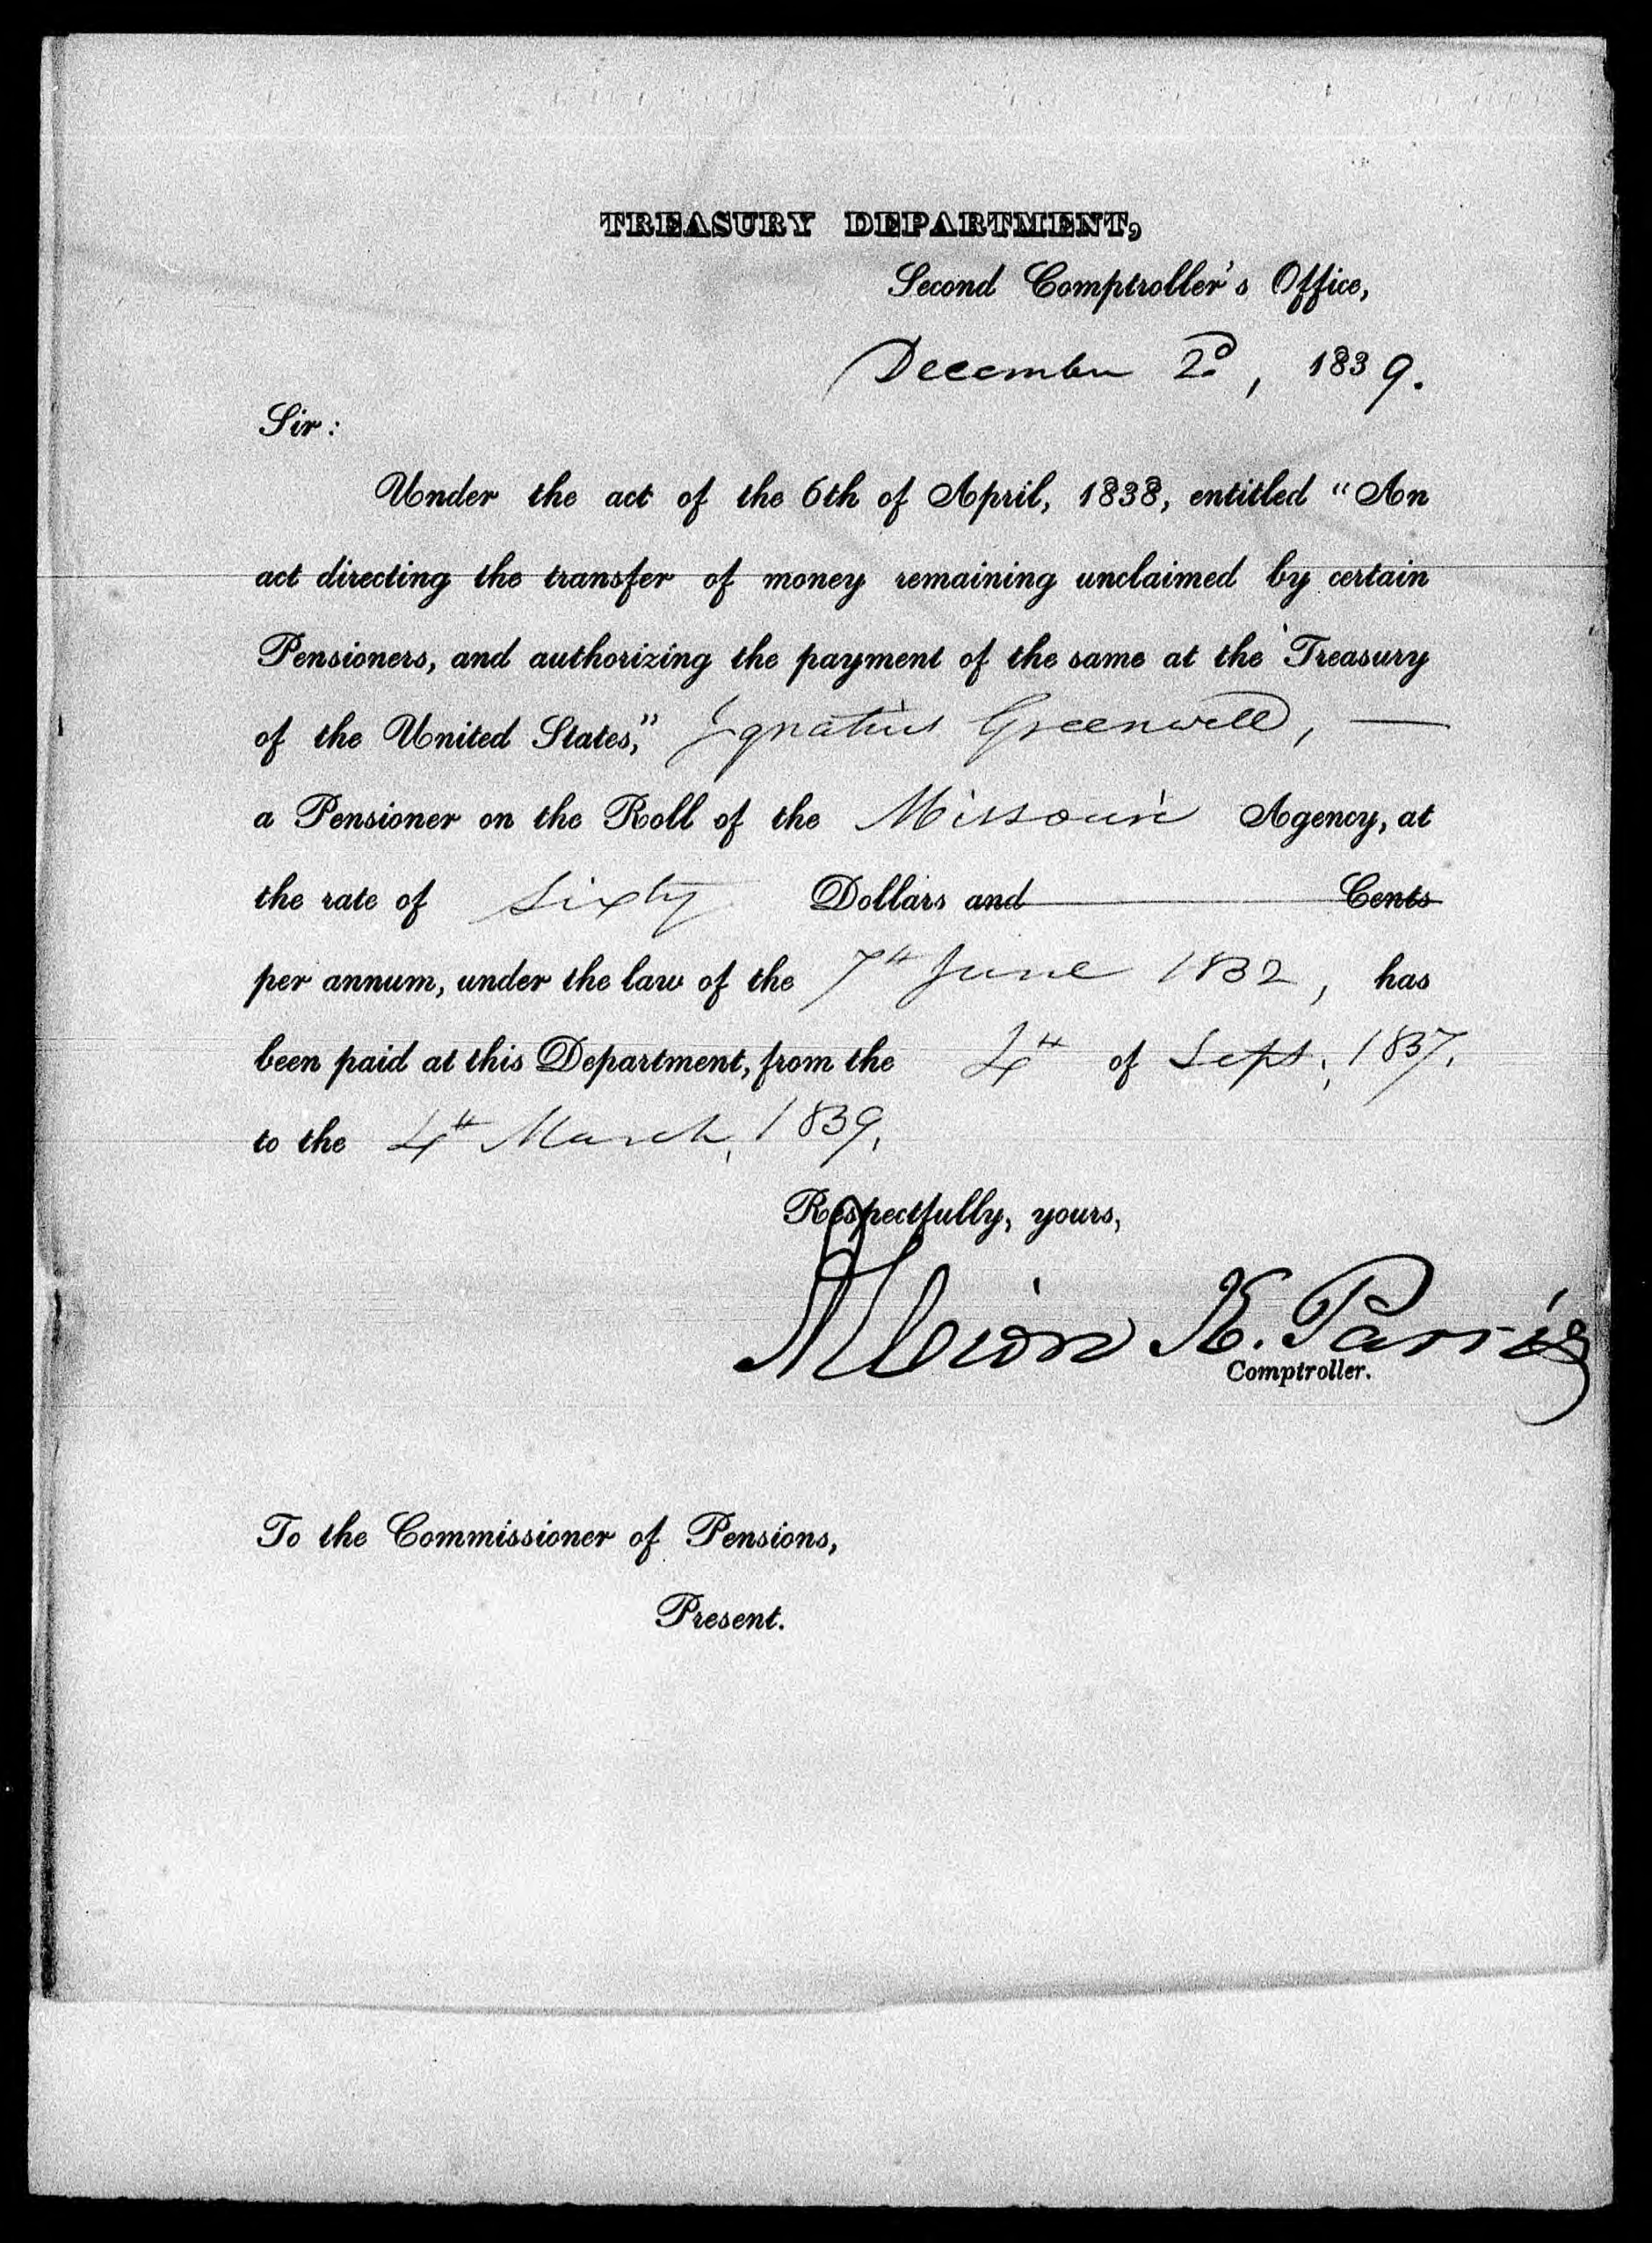TREASURY DEPARTMENT
Second Comptroller's Office

December 2nd 1839

Sir:

Under the act of the 6th of April 1838, entitled "An act directing the transfer of money remaining unclaimed by certain Pensioners, and authorizing the payment of the same at the Treasury of the United States," Ignatius Greenwell a pensioner on the roll of the Missouri Agency, at the rate of sixty dollars and blank cents per annum, under the law of the 7th June 1832, has been paid at this Department, from the 4th of Sept 1837 to the 4th March, 1839.

Respectfully Yours,

Albioni K Parris
Comptroller

To the Commissioner of Pensions, 
Present.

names: Ignatius Greenwell, Albion K Parris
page: 17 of 19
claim: survivor's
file: S. 16836, Ignatus Greenwell, Md.